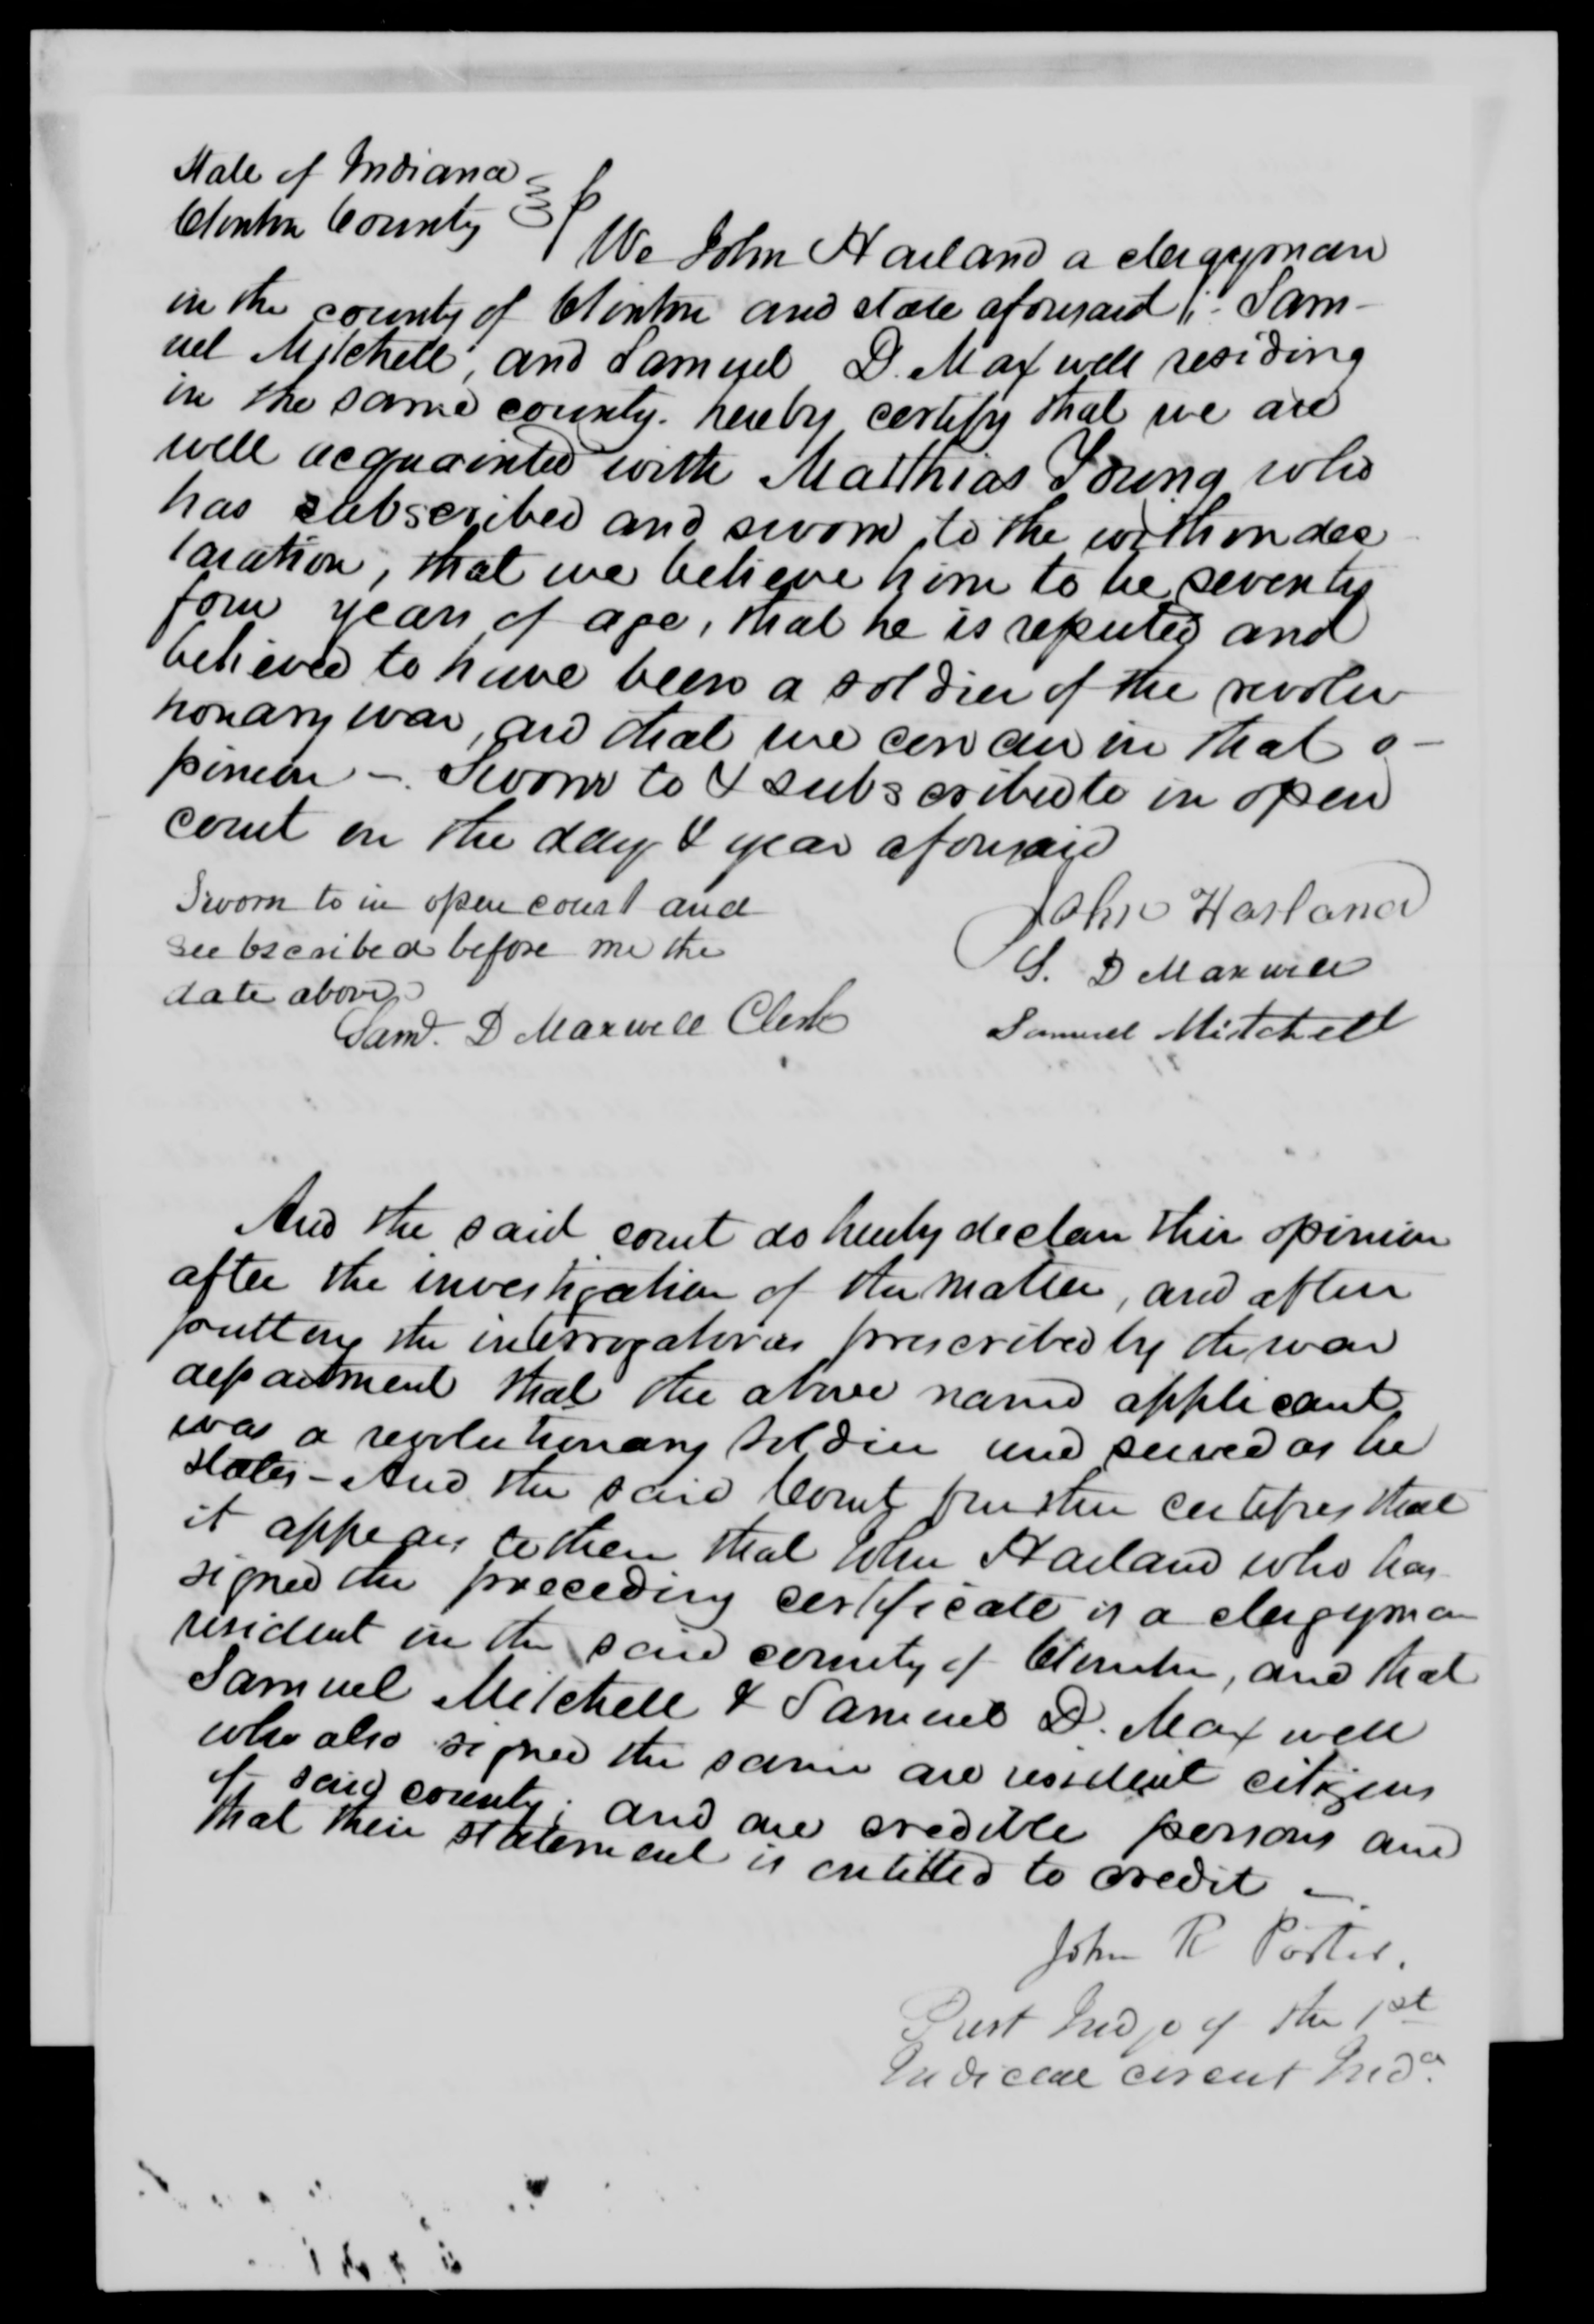State of Indiana  Clinton County ss
We John Harland a Clergyman
in the County of Clinton and State aforesaid Samuel
Mitchell, and Samuel D. Maxwell residing
in the same county hereby certify that we are
well acquainted with Matthias Young who
has subscribed and sworn to the within 
declaration, that we believe him to be seventy
four years of age, that he is reputed and
believed to have been a soldier of the revolutionary war, and that we concur in that opinion.
- Sworn to & subscribed to in open
Court on the day & year aforesaid 
John Harland
S. D. Maxwell
Samuel Mitchell
Sworn to in open court and subscribed before me the date above
Saml D Maxwell Clerk

And the said Court do hereby declare their opinion
after the investigation of the matter, and after
putting the interrogatories prescribed by the war
department that the above named applicant
was a revolutionary soldier and served as he
States - And the said Court further certifies that
it appears to them that John Harland who has
signed the preceding certificate is a clergyman
resident in the said County of Clinton, and that
Samuel Mitchell & Samuel D. Maxwell
who also signed the same are resident citizens
to said county; and are credible persons and
that their statement is entitled to credit-
John R Porter
First Judge of the 1st
Judicial Circuit Ind’a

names: John R Porter, Matthias Young, Samuel D Maxwell, John Harland, Samuel Mitchell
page: 6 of 123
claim: rejected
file: R. 11,949, Matthias Young, Md.